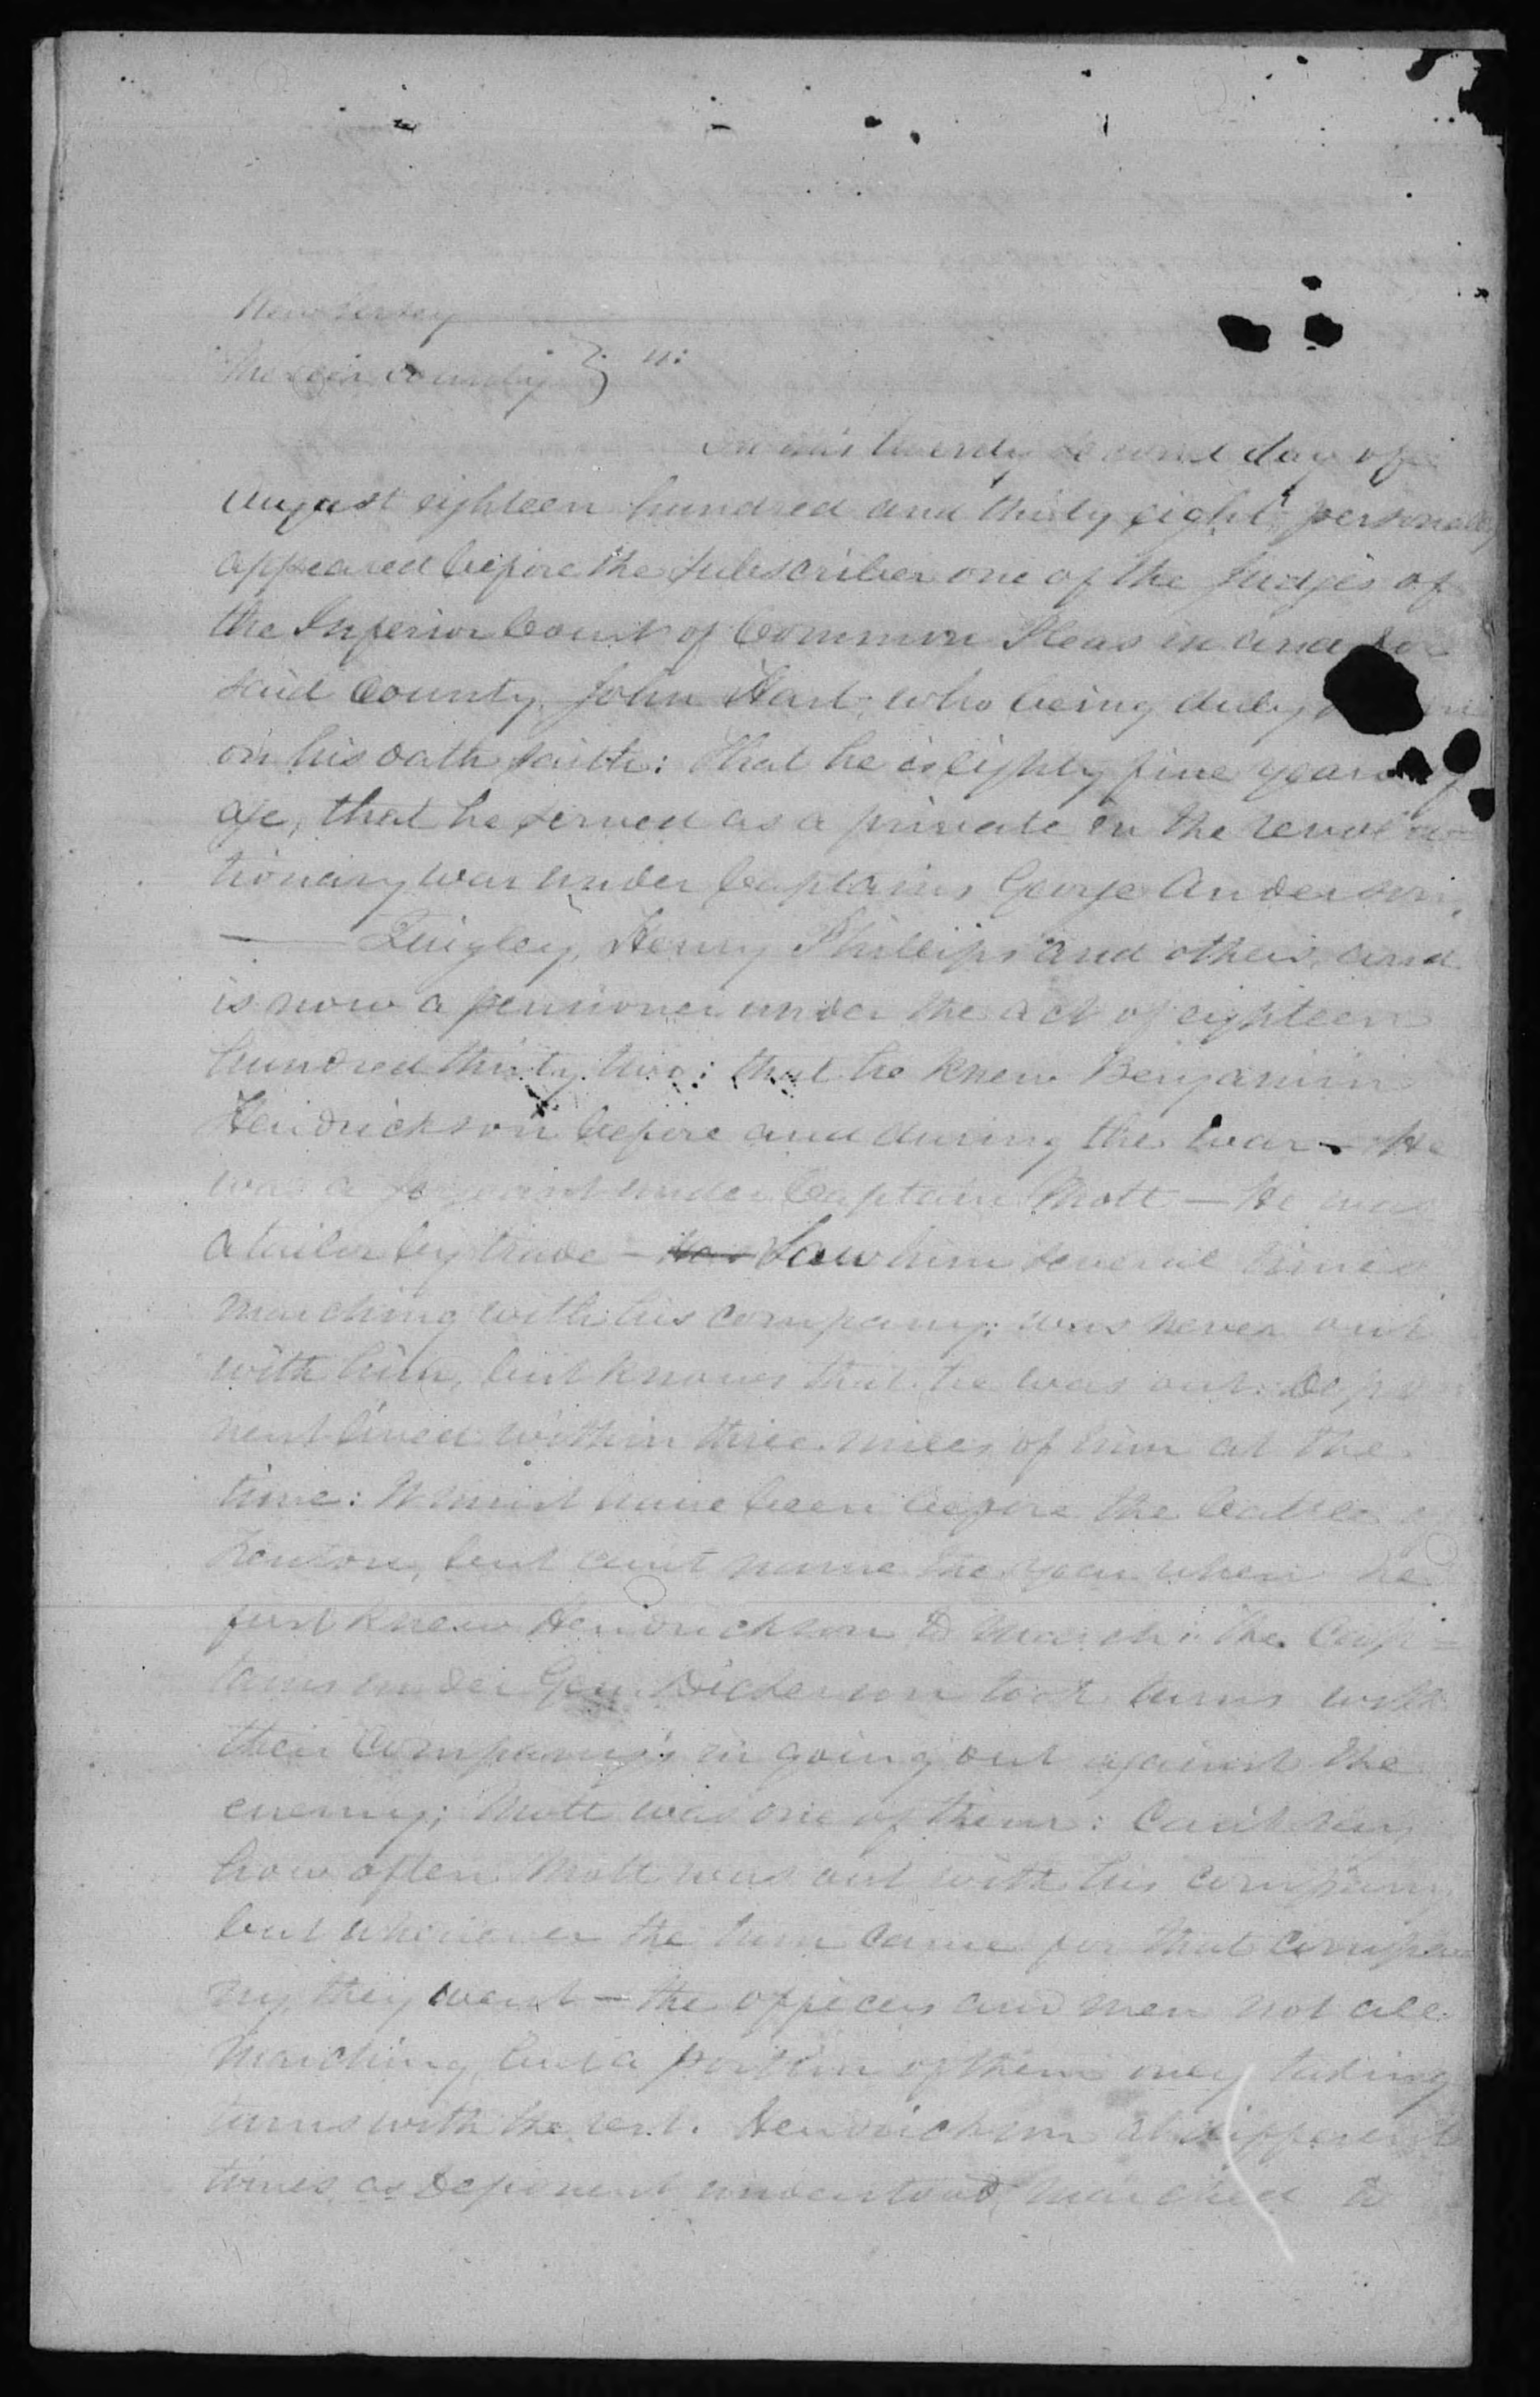New Jersey}
Mercer County} ss.

On this twenty second day of August
eighteen hundred and thirty eight, personally appeared before the subscriber one of the Judges of the Inferior Court of Common Pleas in & for said County, John Hart, who being duly sworn on his oath saith: That he is eighty five years of age, that he served as a private in the revolutionary war under Captains George Anderson, _______Quigley, Henry Phillips and others, and is now a pensioner under the act of eighteen hundred thirty two: that he knew Benjamin Hendrickson before and during the war. He was a sergeant under Captain Mott_ He was a tailor by trade _ Saw him several times Marching with his company; was never out with him, but knows that he was out: Deponent lived within three miles of him at the
time: [Whilst have?] been before the battle of
Trenton, but can't name the year when he
first knew Hendrickson to March. The Captains  under Gen. Dickenson took turns with their company's in going out against the enemy; Mott went out with his company but whenever the turn came for that company, they went - the officers and men not all marching, but a portion of only taking turns with the rest. Hendrickson at different times as Deponent understood, marched to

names: Quigley, Benjamin Hendrickson, Hendrickson, George Anderson, Hendrickson, Henry Phillips, John Hart, Mott, Dickerson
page: 6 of 20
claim: rejected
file: R. 4884, Benjamin Hendrickson, New Jersey